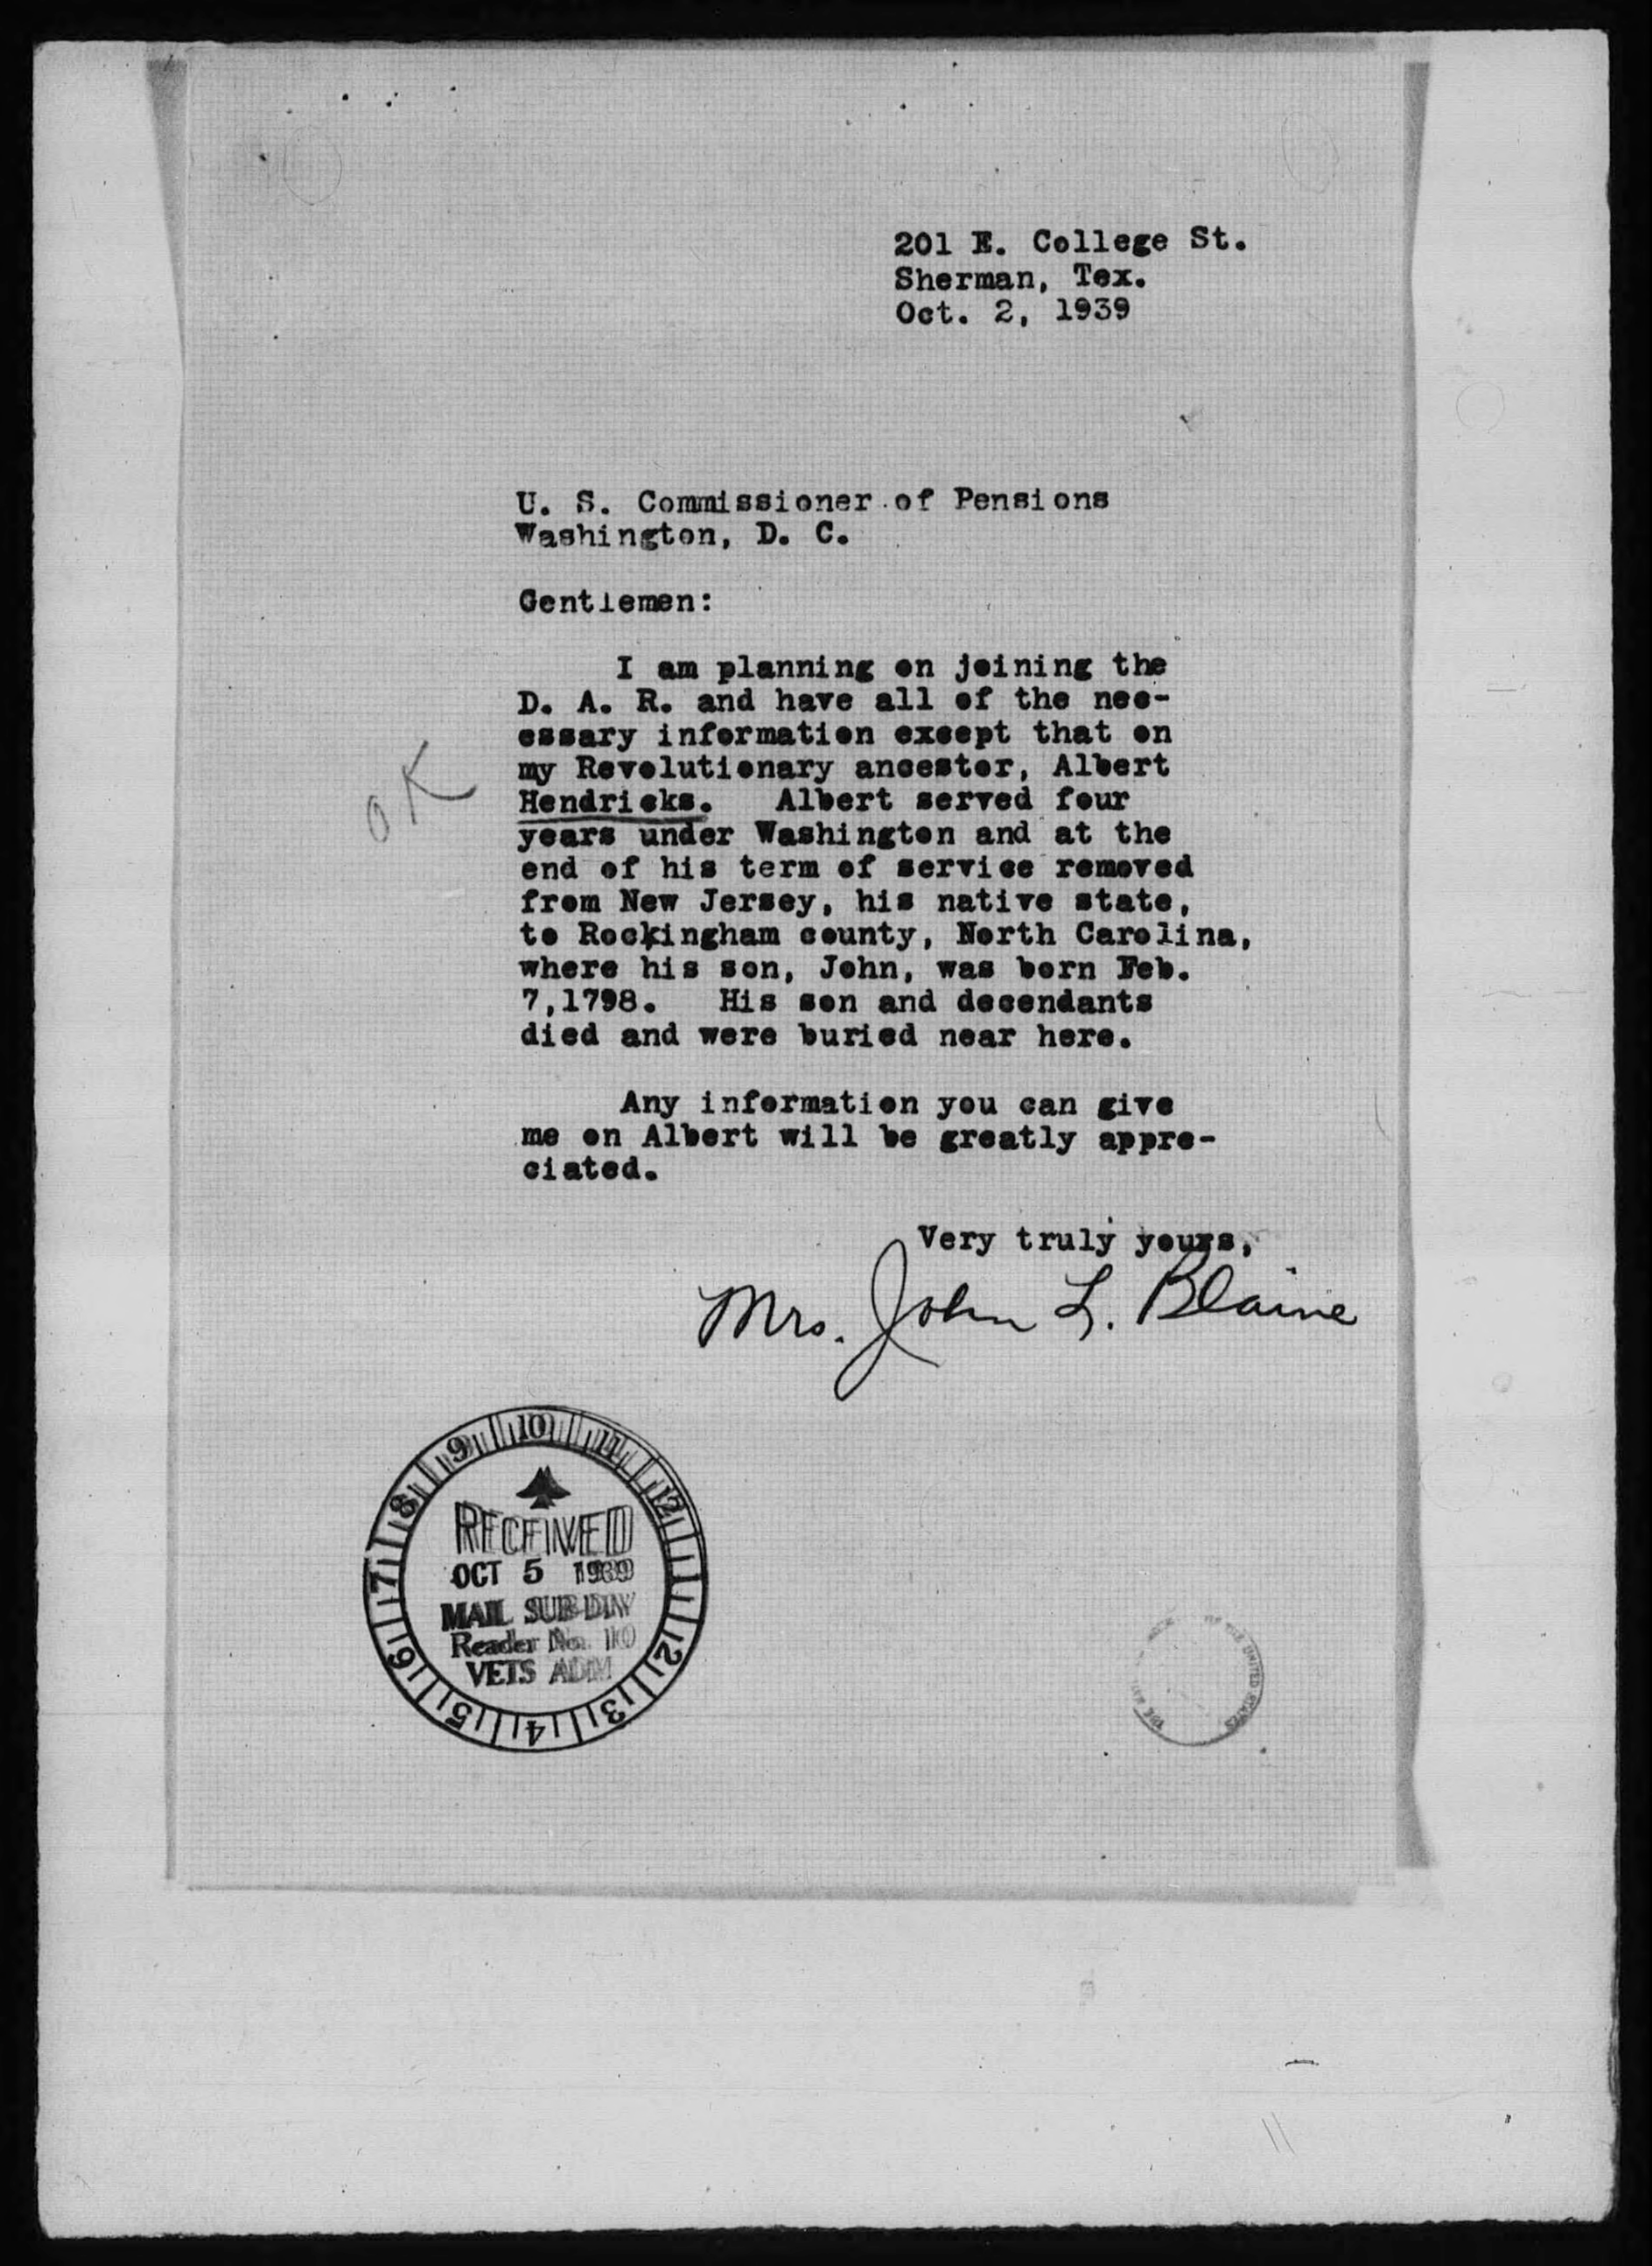201 E. College St.
Sherman, Tex.
Oct. 2, 1939

U.S. Commissioner of Pensions
Washington, D.C.

Gentlemen:

I am planning on joining the D.A.R. and have all of the necessary information except that on my Revolutionary ancestor, Albert Hendricks. Albert served four years under Washington and at the end of his term of service removed from New Jersey, his native state, to Rockingham County, North Carolina, where his son, John, was born Feb. 7, 1798. His son and descendants died and were buried near here.

Any information you can give me on Albert will be greatly appreciated.

Very truly yours,
Mrs. John L. Blaine

Received Oct 5 1939
Mail SUB-DIV
Reader No. 10
VETS ADM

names: John L Blaine, John, Albert, Albert Hendricks, Albert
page: 70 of 76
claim: widow's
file: W. 83, Albert Hendricks, Continental Md. N.C.